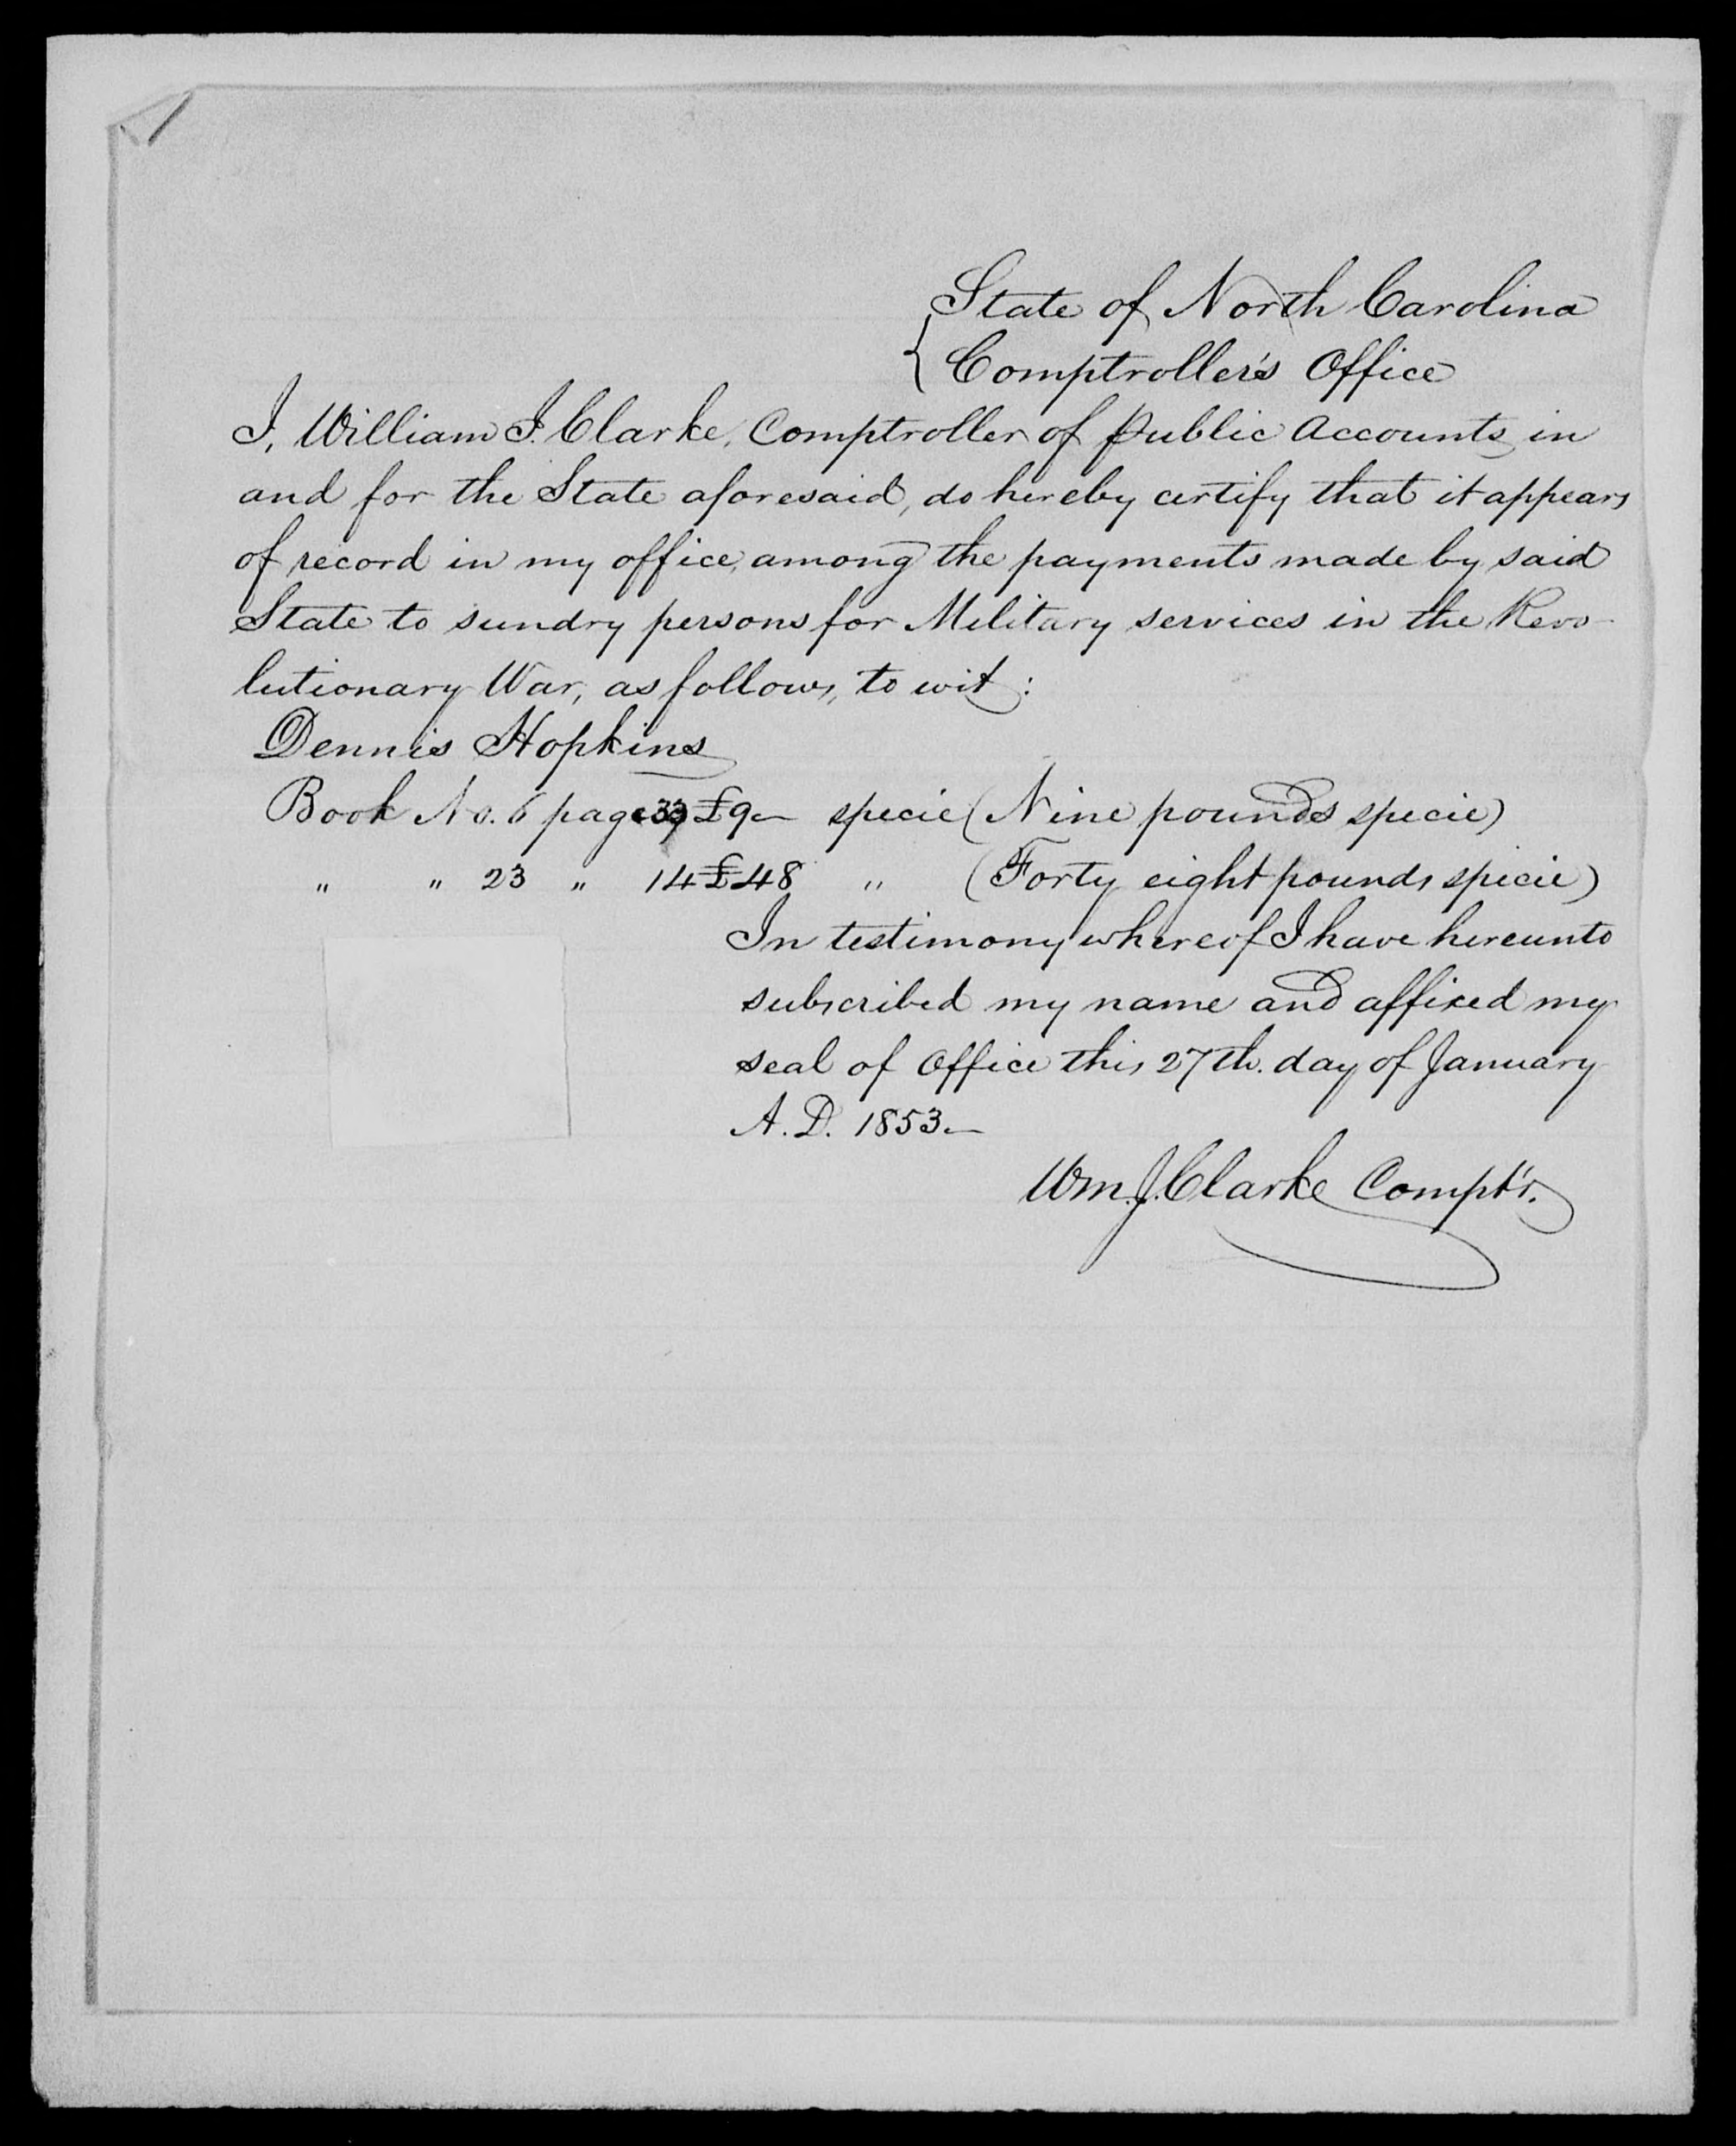State of North Carolina
Comptroller's Office
I, William J. Clarke, Comptroller of public accounts in and for the State aforesaid, do hereby certify that it appears of record in my office, among the payments made by said State to sundry persons for Military services in the Revolutionary War, as follows, to wit 
Dennis Hopkins
Book No. 6 page 9 specie (Nine pounds specie)
" 23 " 14 48 (Forty eight pounds specie)
In testimony whereof I have hereunto
subscribed my name and affixed my
seal of Office this 27th day of January
A.D. 1853.
Wm. J. Clarke Compt.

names: Dennis Hopkins, William J Clarke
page: 30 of 144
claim: rejected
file: R. 5208, Dennis Hopkins, N.C.